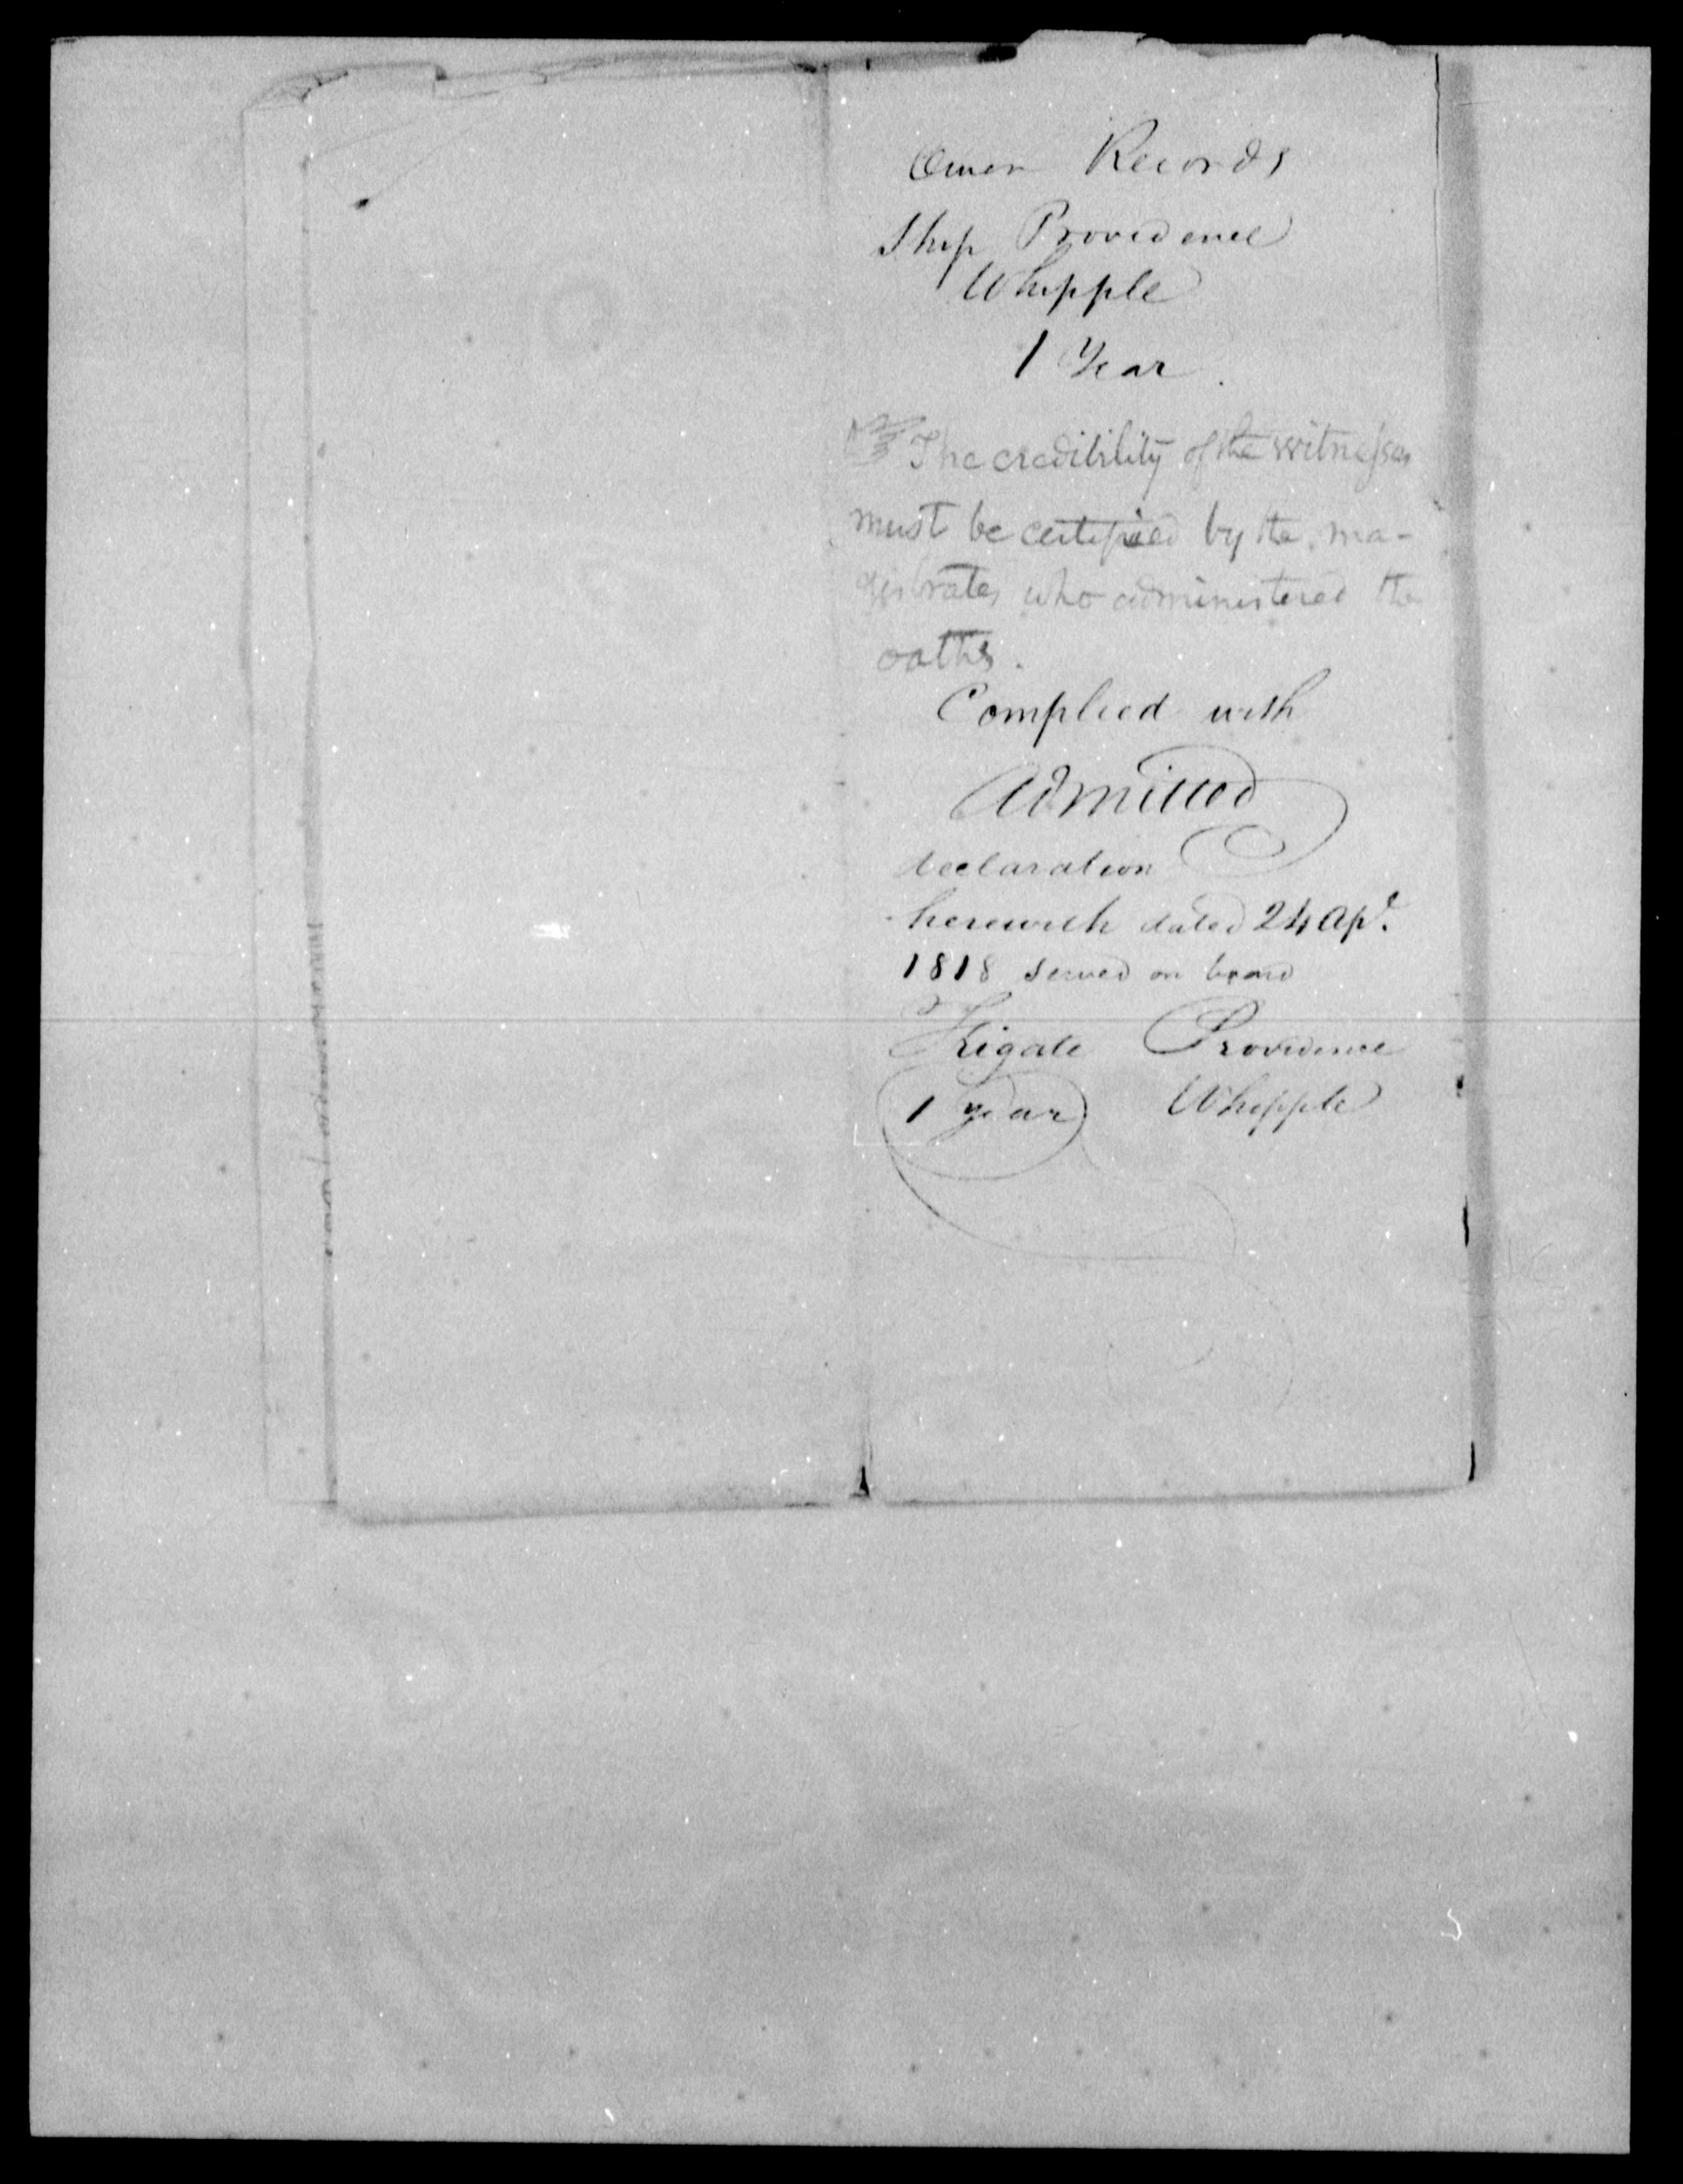Owen Records

Ship Providence

Whipple

1 Year

☞(drawing of a hand) The credibility of the witness must be certified by the magistrate, who administered the oaths.

Complied with

Admitted
declaration
herewith dated 24 Ap'l
1818 served on board 
Frigate Providence
1 year [circle]).  Whipple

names: Owen Records; [BLANK] Whipple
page: 9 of 12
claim: survivor's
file: S. 41977, for Owen Records, Rhode Island